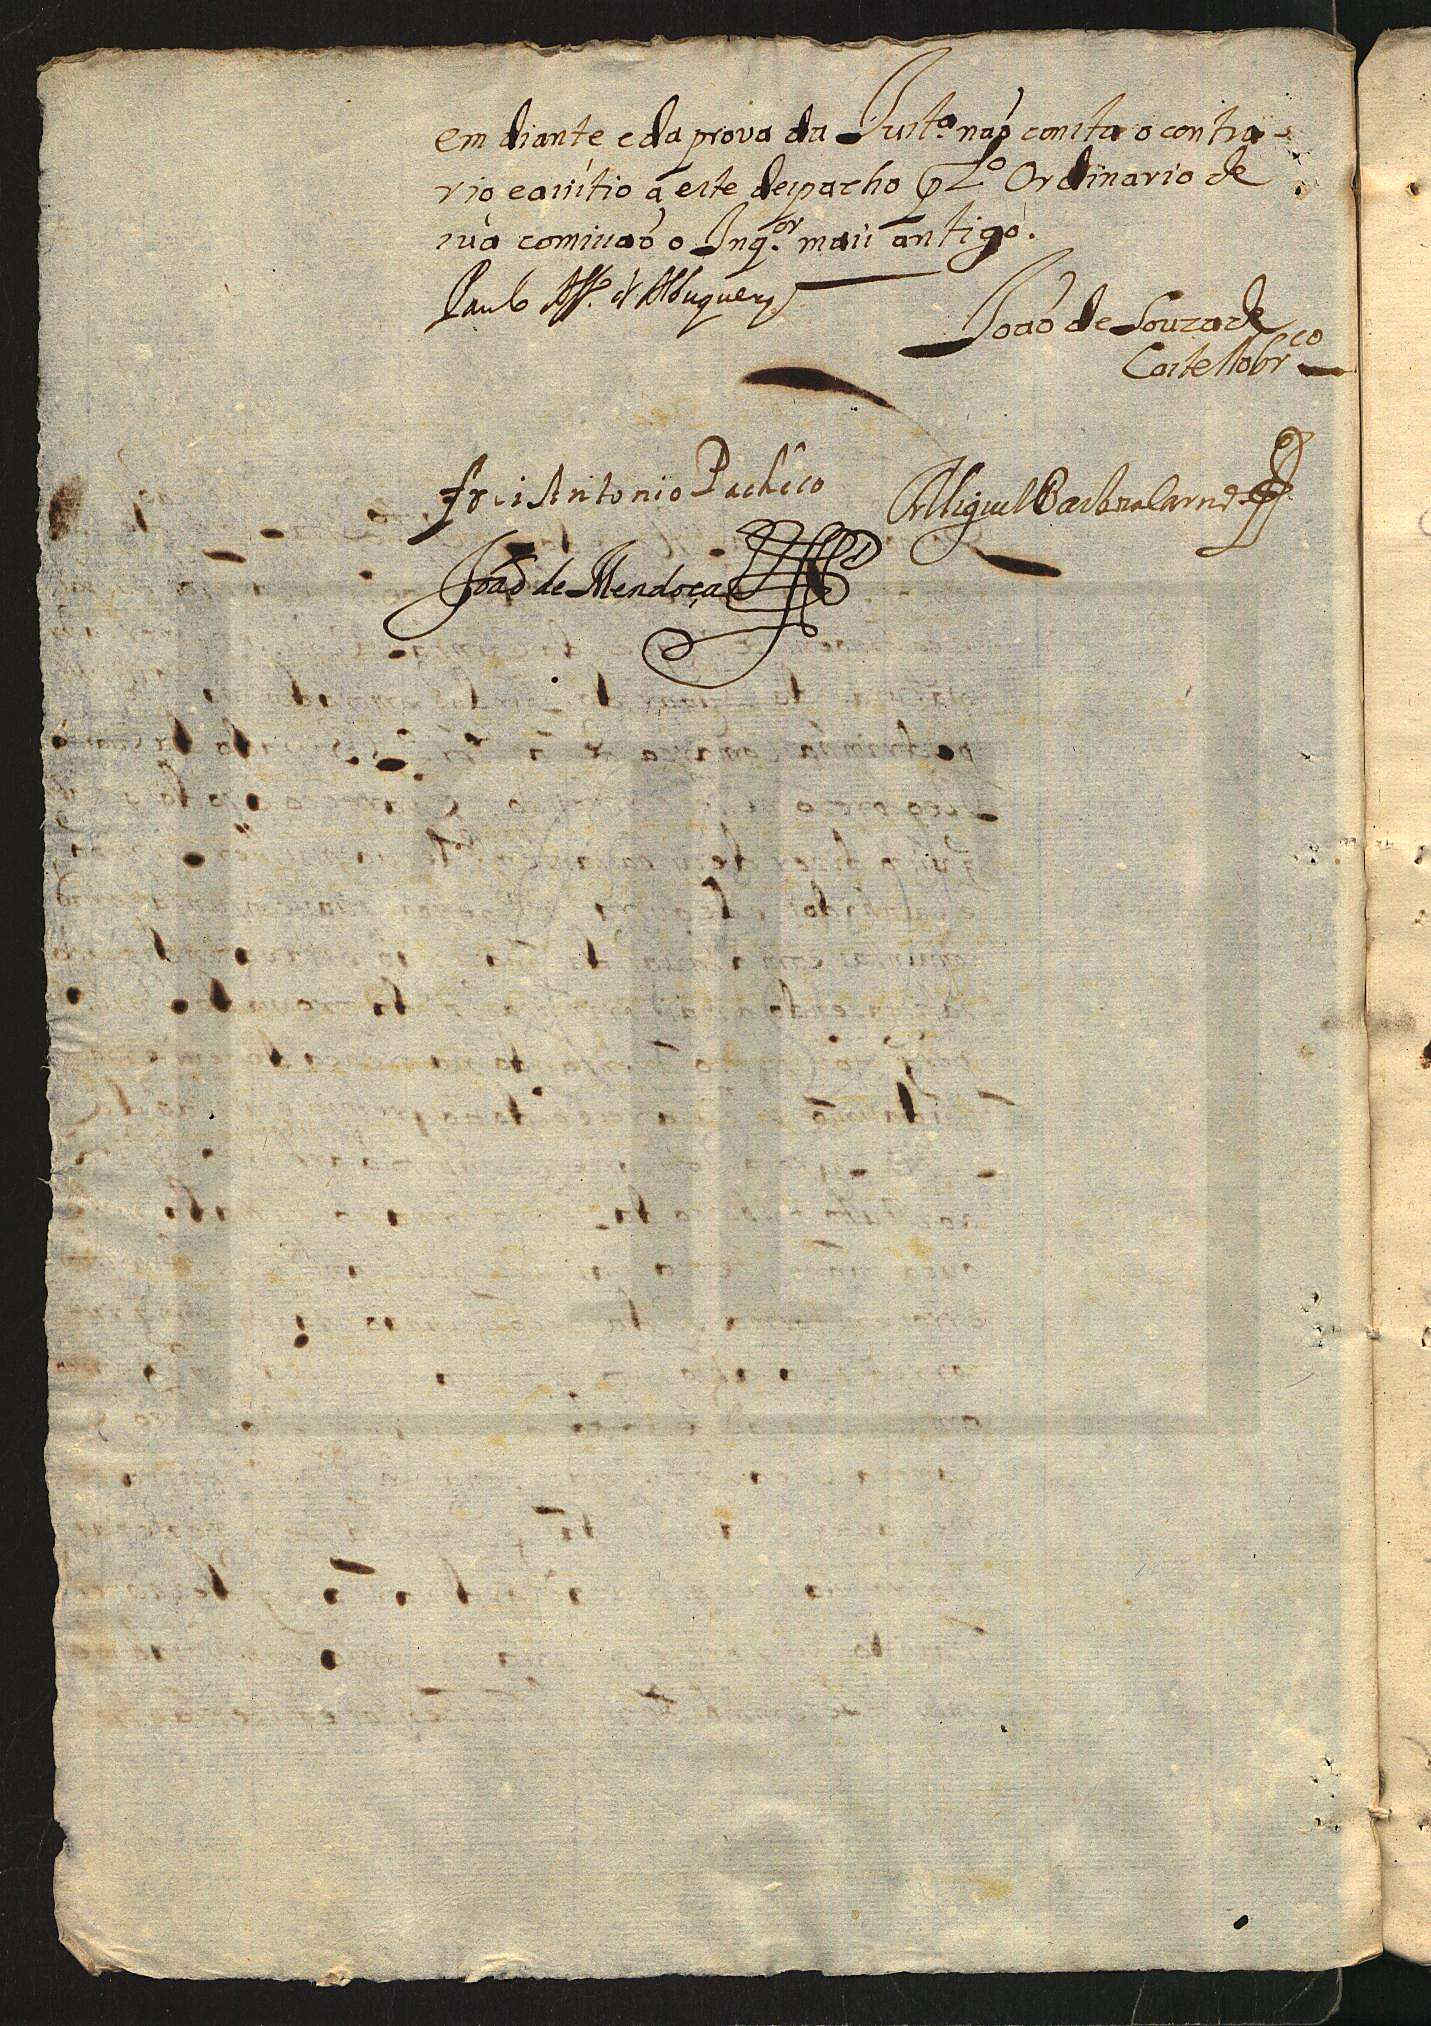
em diante e da prova da Iust.a naõ consta o contra
rio e asistio a este despacho p̄Lo Ordinario de
sua comissaõ o Inq.or mais antigo.
Paulo Aff.o d̄ Albuquerq̄
Ioaõ de Souza de
Castello br.co
frei Antonio Pachêco
Miguel Barboza Carnro
Joaõ de Mendoça
